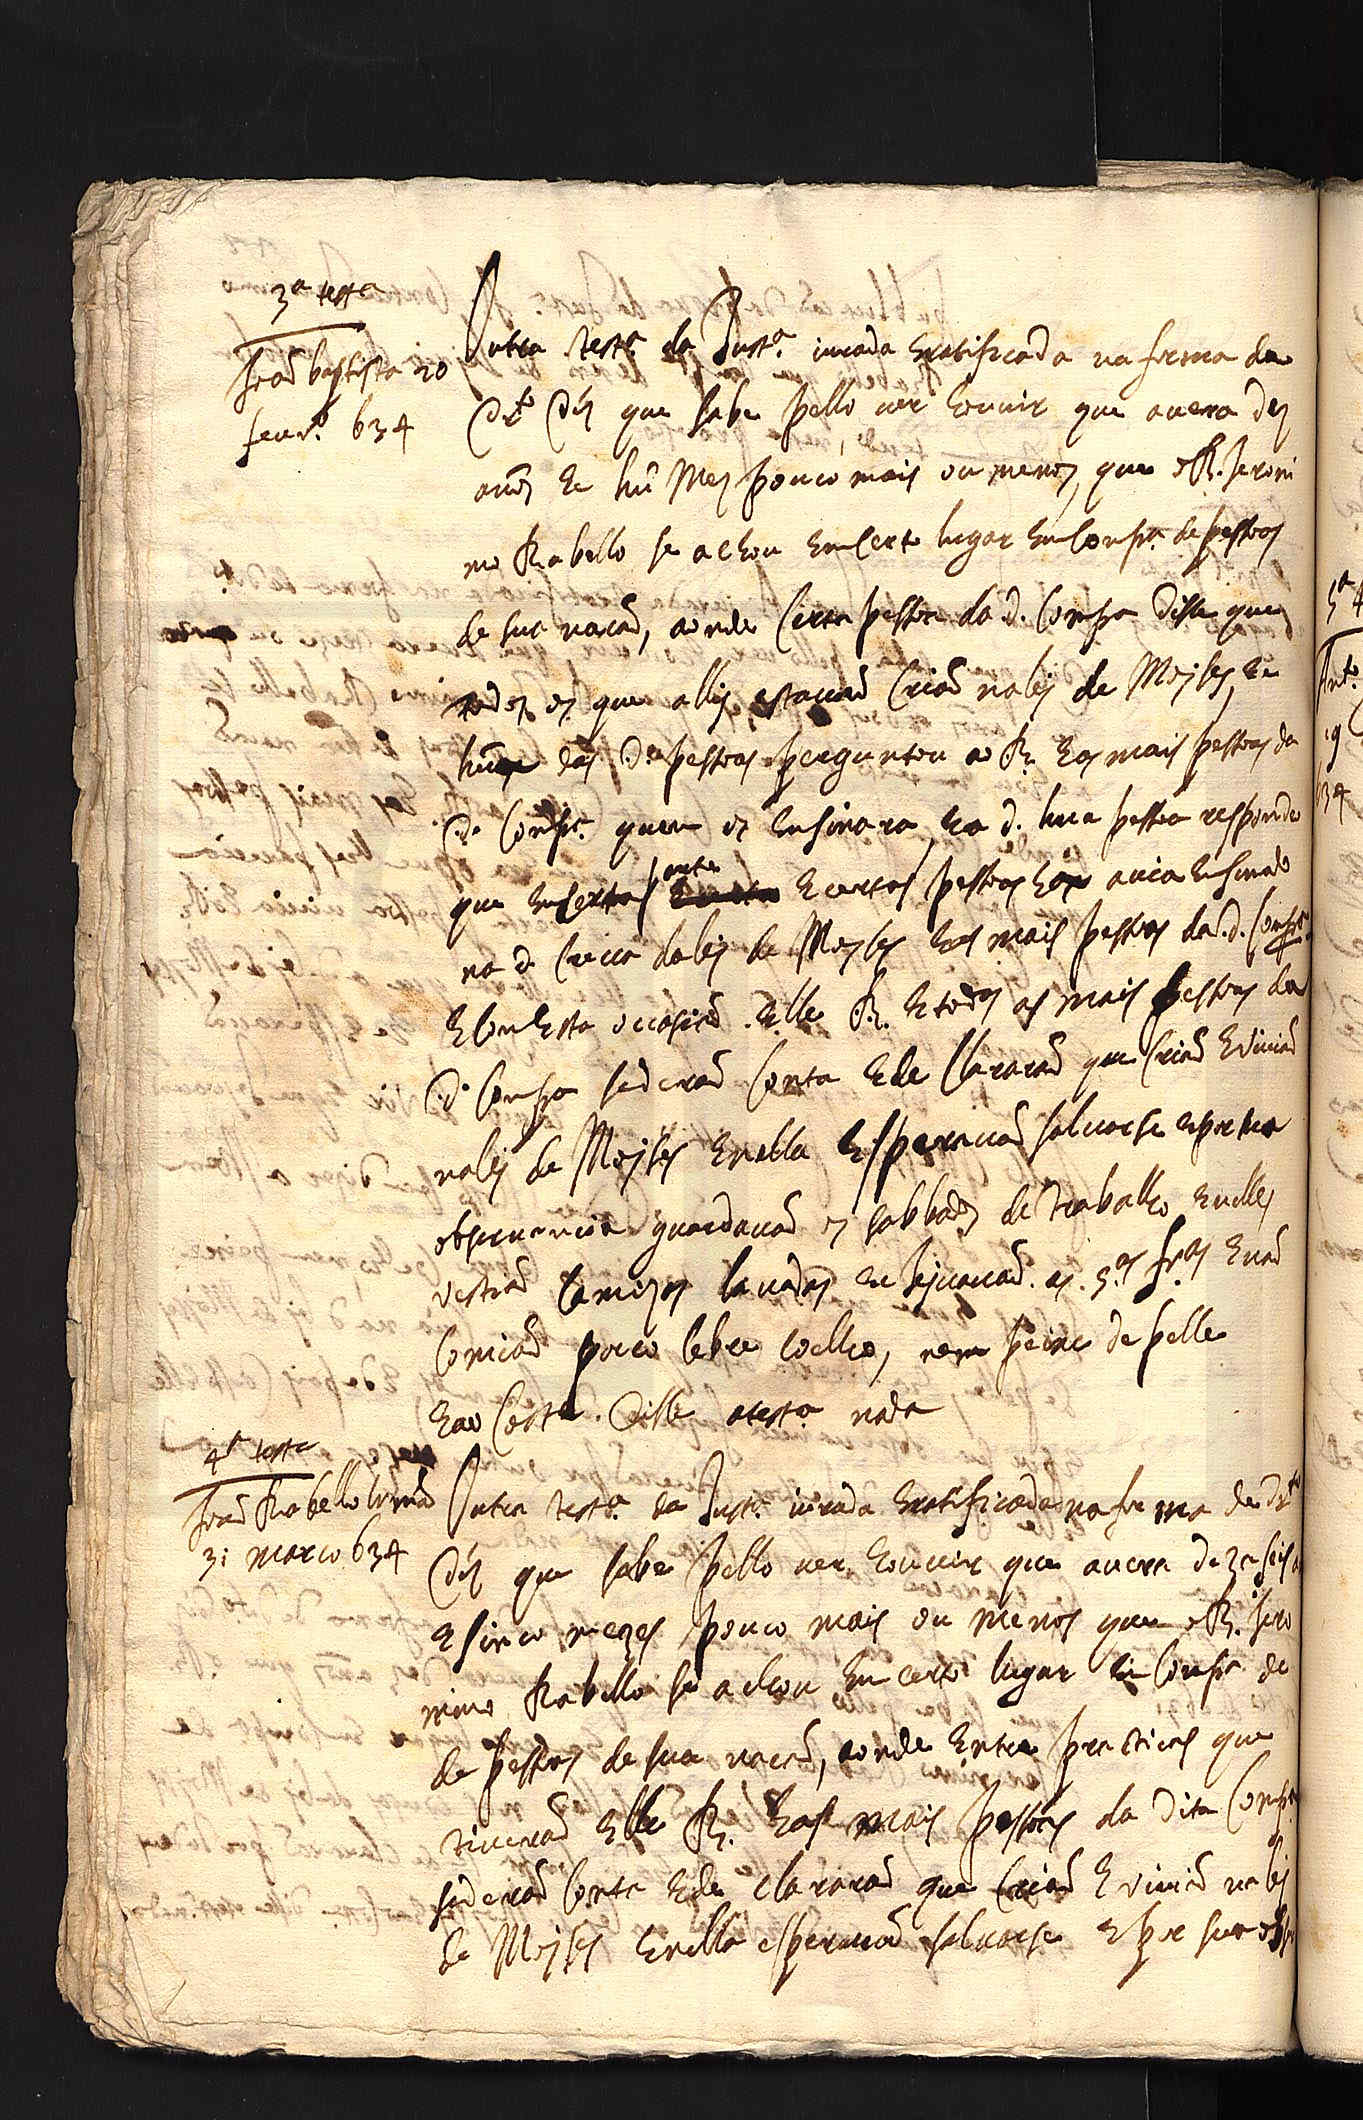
Outra test.a da Iust.a iurada E ratificada na forma de
drto diz que sabe pello uer E ouuir que auera dez
anōs Ee hū Mez pouco mais ou menos, que o R. Jeroni
mo Rabello se achou Em Certo lugar En Conp.a de pessoas
de sua nacaõ, aonde Certa pessoa da .d. Compa disse que
todos os que ally estauaõ Criaõ na lej de Mojses, Ee
hūa das .d. pessoas perguntou ao R. E as mais pessoas da
.d. Conpa. quem os Ensinara E a d. hua pessoa respondeo
que En Certa p E certa
arte
E certas pessoas E a auia Ensinado
na d. Crecca da lej de Mojses E as mais pessoas da .d. Comꝑa
E Com Esta occasiaõ. Elle R. E todas as mais pessoas da
.d. Compa se deraõ Conta E deClararaõ que Criaõ E viuiaõ
na lej de Mojses E nella Esperauaõ saluarse E por sua
obseruancia guardauaõ os sabbados de trabalho E nelles
vestiaõ Camizas lauadas Ee Iejuauaõ as 5.as fr.as E naõ
Comiaõ porco lebre coelho, nem peixe de pelle
E ao Coste. disse a test.a nada
Outra test.a da Iust.a iurada E ratificada na forma de drto
diz que sabe pello uer E ouuir que auera dezaseis a
E sinco mezes pouco mais ou menos que o R. Jero
nimo Rabello se achou En certo lugar En Conpa de
de pessoas de sua nacaõ, aonde Entre practicas que
tiueraõ Elle R. E as mais pessoas da dita Comp.a
se deraõ Conta E de clararaõ que Criaõ E viuiaõ na lej
de Mojses E nella esperauaõ saluarse E por sua obs
